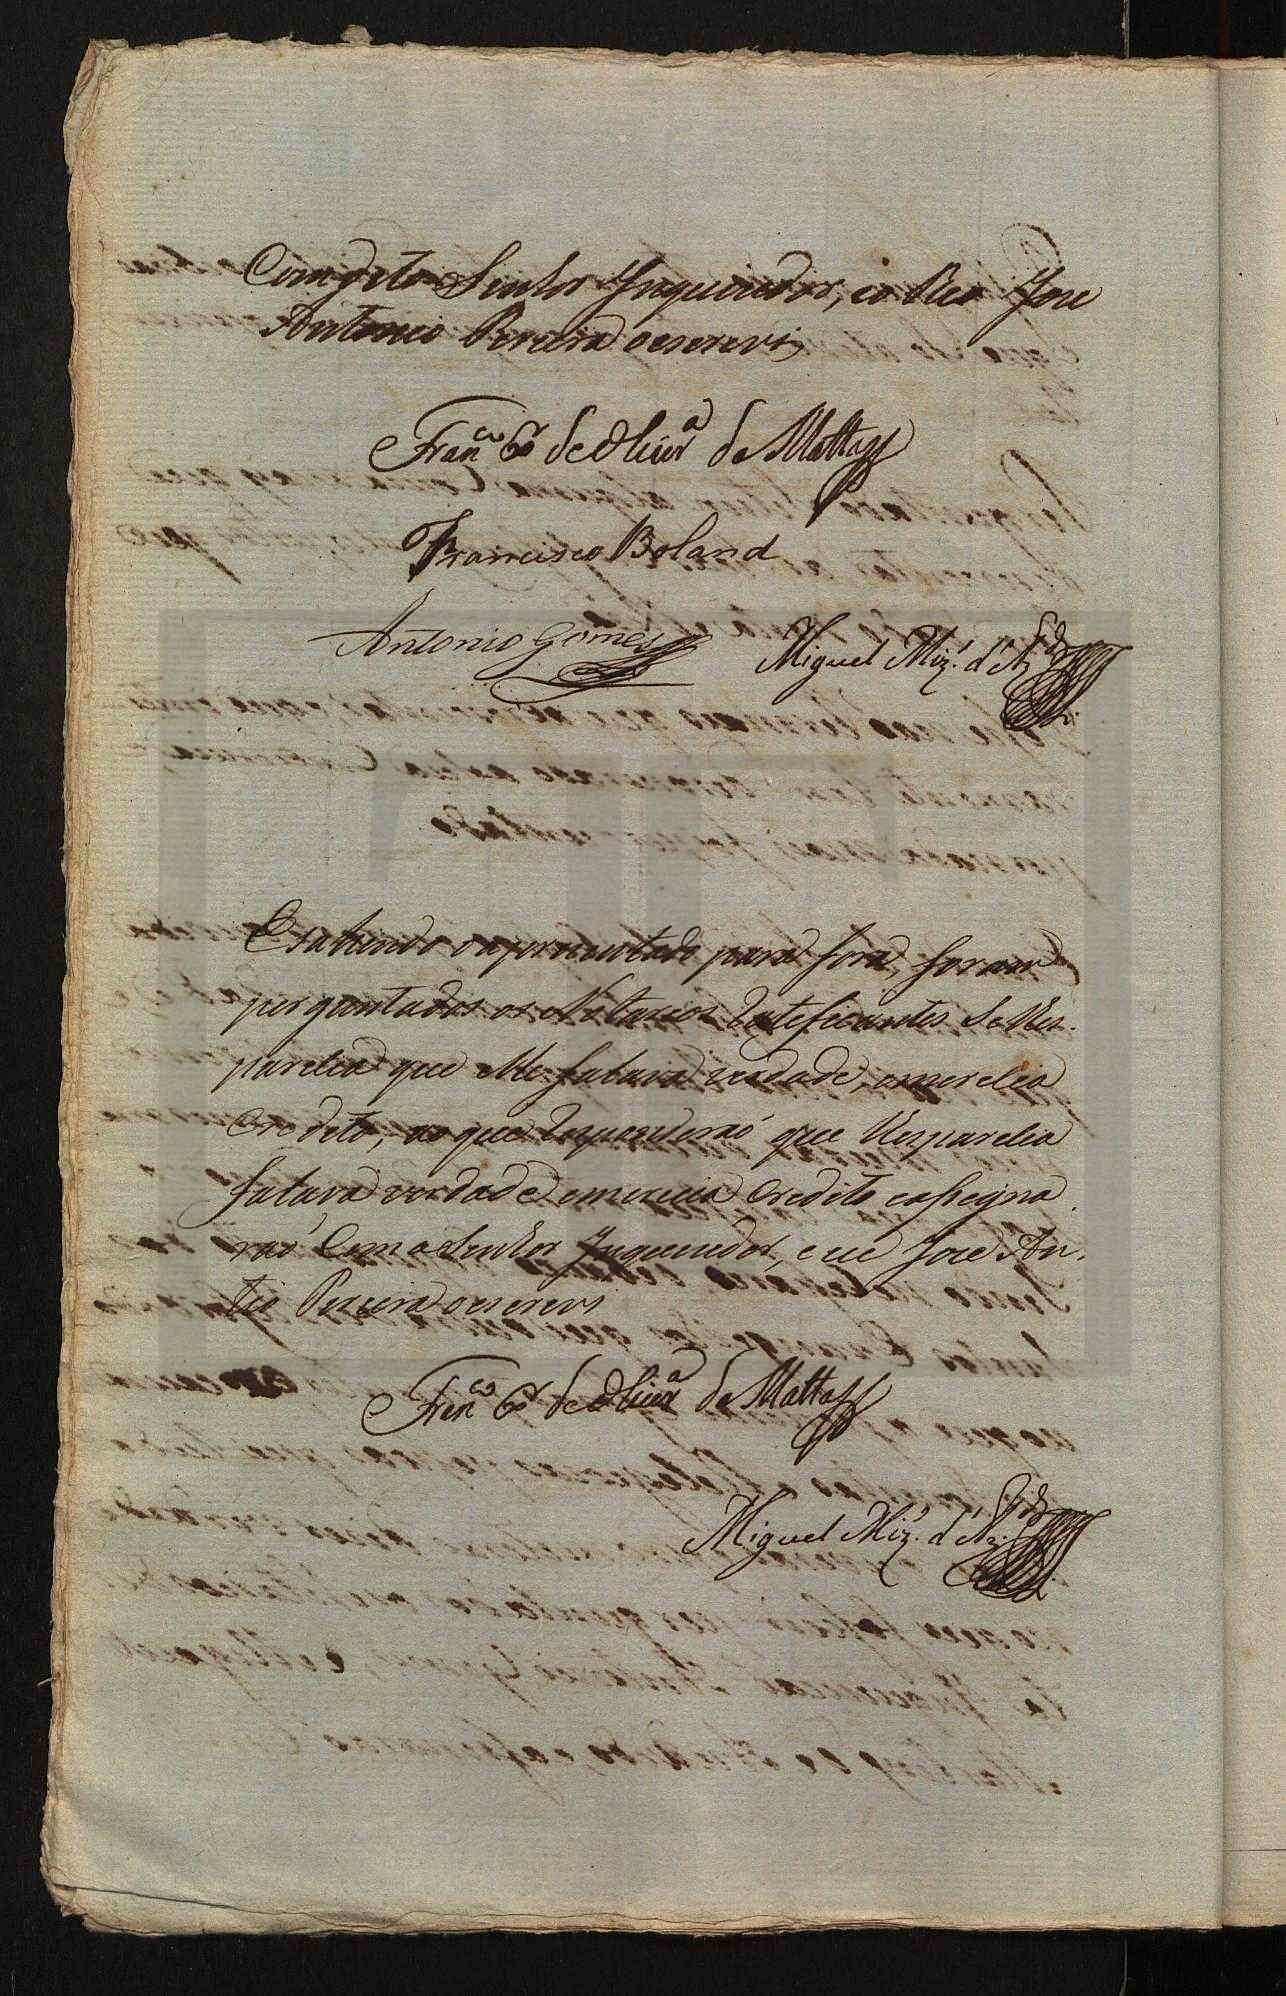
com o dito Senhor Inquizidor, e o Reo Joze
Antonio Pereira o escrevi
Fran.co X.r de Oliv.a da Matta
Francisco Boland
Antonio Gomes Miguel Miz̄ d'Az.do
E sahindo o aprezentado para fora, foram
perguntados os Notarios Rateficantes se lhes
parecia que elle falava verdade, e merecia
credito, ao que Responderaõ que lhe parecia
falava verdade e merecia credito e assegna
raõ com o Senhor Inquizidor, e eu Ioze An
tonio Pereira o escrevi
Fran.co X.r de Oliv.a da Matta
Miguel Miz̄ d'Az.do
